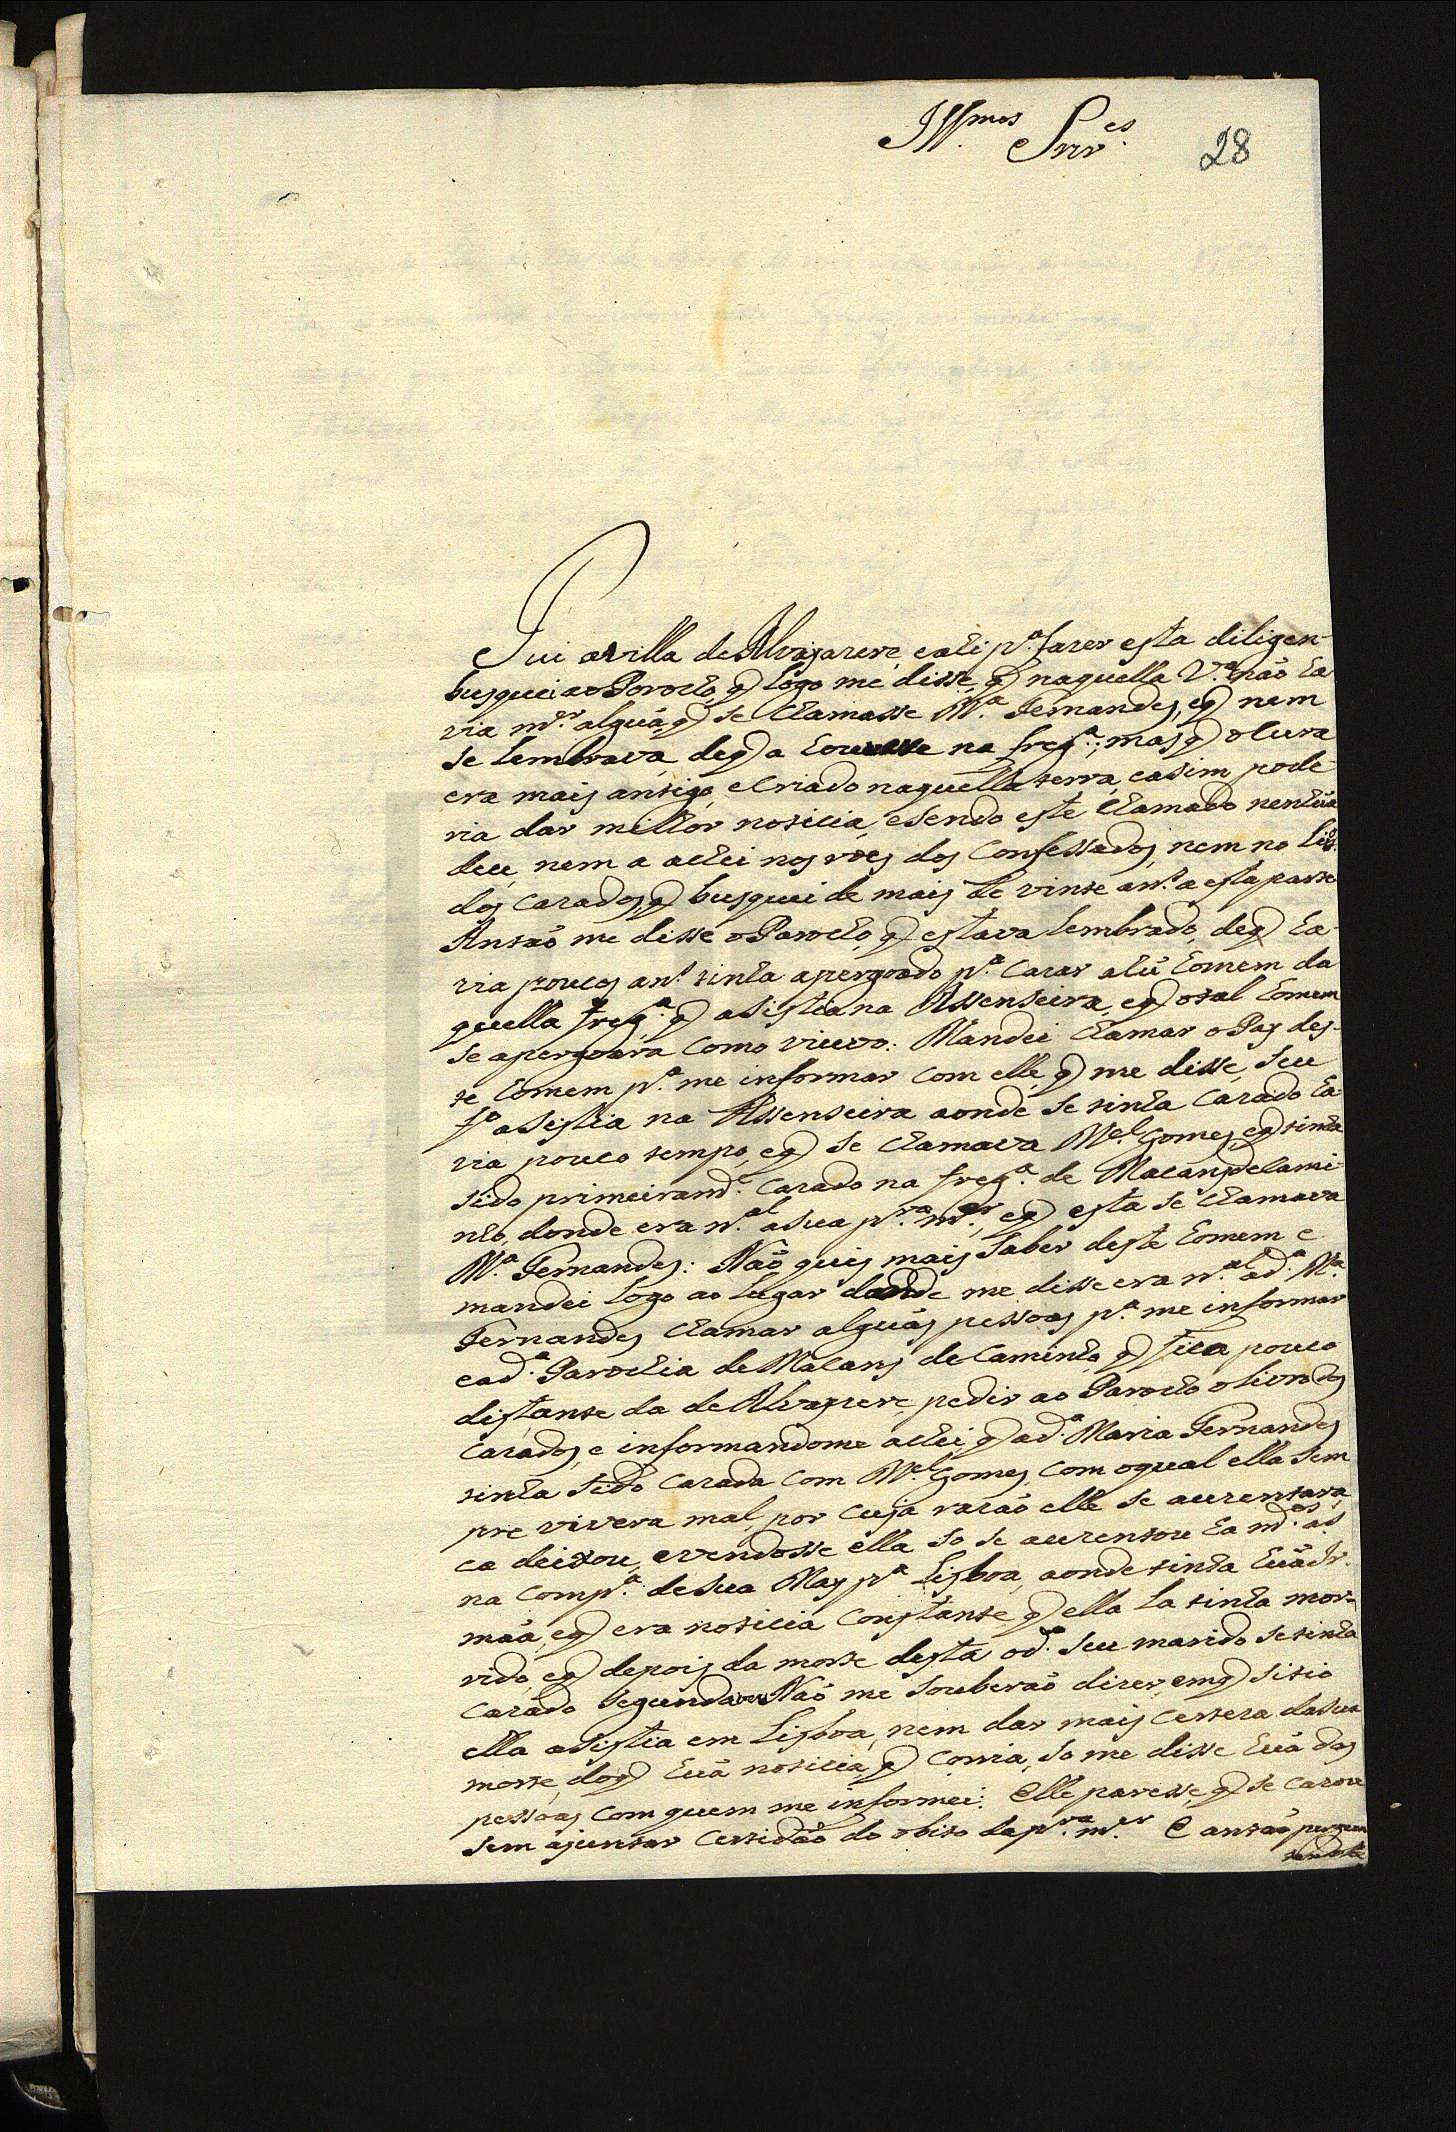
Ill.mos Snr.es 28
Fui a villa de Alvayazere, e ahi p.a fazer esta diligen
busquei ao Parocho, q̄ Logo me disse, q̄ naquella V.a naõ ha
via m.er alguā q̄ se chamasse M.a Fernandes, e q̄ nem
se lembrava de q̄ a houuese na freg.a; mas q̄ o cura
era mais antigo, e criado naquella terra, e asim pode
ria dar milhor noticia, e sendo este chamado nenhuā
dece, nem a achei nos roes dos Confessados, nem no Liv.o
dos cazados, q̄ busquei de mais de vinte an.s a esta parte
Antão me disse o Parocho, q̄ estava lembrado, de q̄ ha
via poucos an.s tinha apergoado p.a cazar a hū homem da
quella freg.a q̄ asistia na Assenseira, e q̄ o tal homem
se apergoára como viuvo. Mandei chamar o Pay des
te homem p.a me informar com elle, q̄ me disse, seu
f.o asistia na Assenseira aonde se tinha cazado ha
via pouco tempo, e q̄ se chamava M.el Gomes, e q̄ tinha
sido primeiram.e cazado na freg.a de Macans de Cami
nho, donde era n.al a sua p.ra m.er e q̄ esta se chamava
M.a Fernandes: Naõ quis mais saber deste homem e
mandei Logo ao lugar donde me disse era n.al a d.a M.a
Fernandes chamar alguās pessoas p.a me informar
e a d.a Parochia de Macans de Caminho, q̄ fica pouco
distante da de Alvayzere pedir ao Parocho o livro dos
cazados, e informandome achei q̄ a d.a Maria Fernandes
tinha sido cazada com M.el gomes, com o qual ella sem
pre vivera mal, por cuja razaõ elle se auzentara,
e a deixou, e vendosse ella so se auzentou ha m.os a.s
na comp.a de sua May pa Lisboa, aonde tinha huā Ir
maā, e q̄ era noticia constante q̄ ella La tinha mor
rido, e q̄ depois da morte desta o d.o seu marido se tinha
cazado segunda vez Naõ me souberaõ dizer em q̄ sitio
ella asistia em Lisboa, nem dar mais certeza da sua
morte do q̄ huā noticia, q̄ corria, so me disse huā das
pessoas com quem me informei: Elle paresse q̄ se cazou
sem ajuntar certidaõ do obito da p.ra m.er E antaõ pergun
tado se
